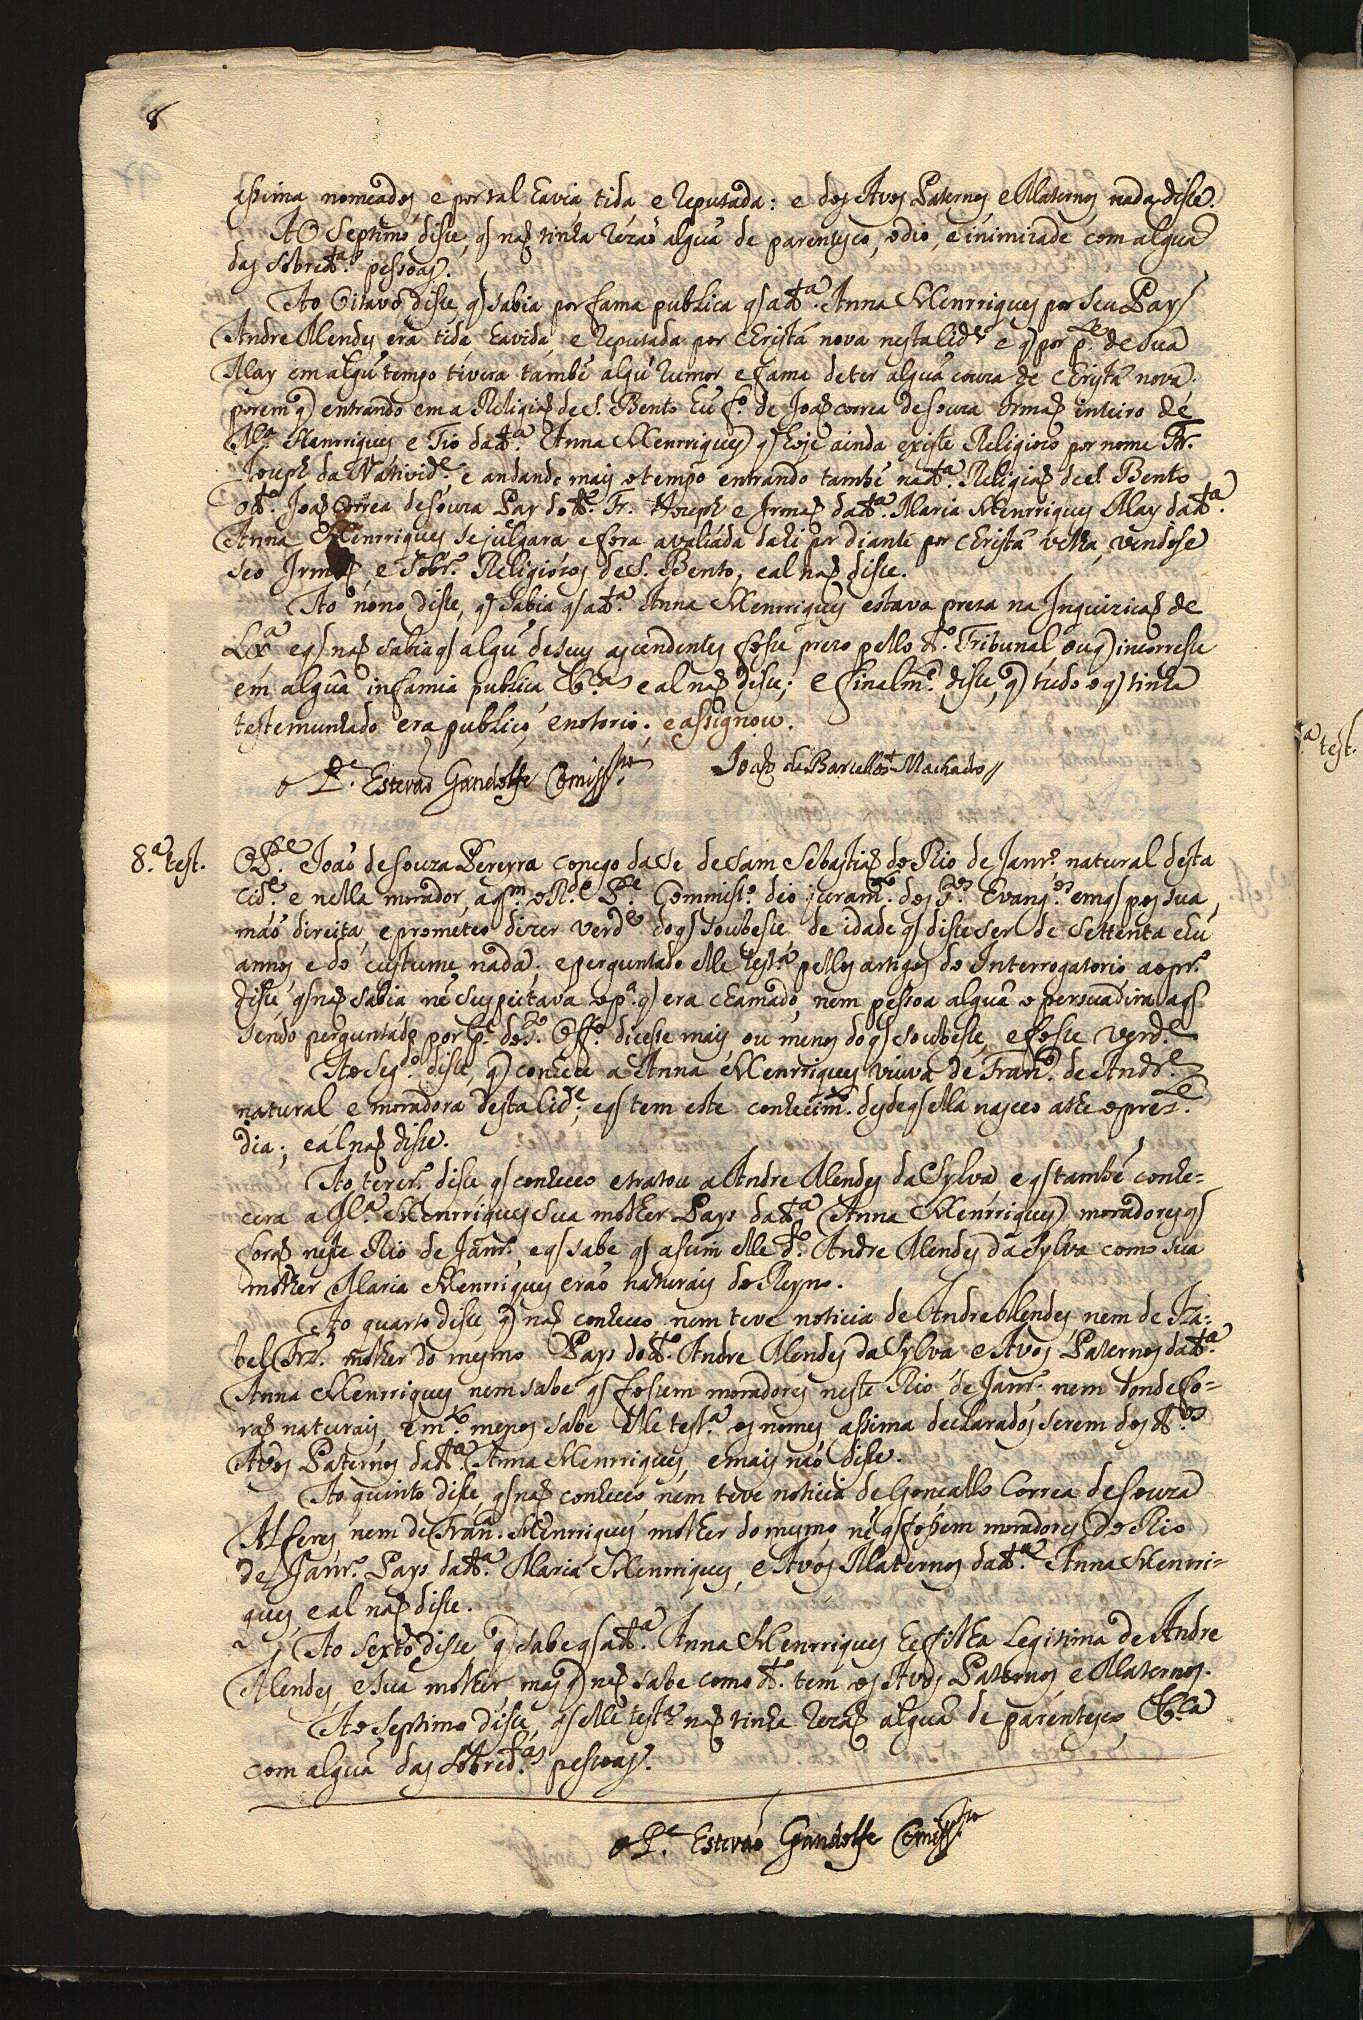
assima nomeados, e por tal havia, tida, e Reputada: e dos Avos Paternos, e Maternos nada disse.
AO Septimo disse, q̄ naõ tinha Rezaõ alguā de parentesco, odio, e inimizade com alguā
das sobred̄.as pessoas.
Ao Oitavo disse q̄ sabia por fama publica q̄ a d̄.a Anna Henrriques por seu Pay
Andre Mendes era tida, havida, e Reputada por Christã nova nesta Cid.e e q̄ por p.te de Sua
May em algū tempo tivera tambē algū Rumor e fama de ter alguā couza de christã nova;
porem q̄ entrando em a Religiaõ de S. Bento hū f.o de Joaõ correa de souza Irmaõ inteiro de
M.a Henrriques, e Tio da d̄.a Anna Henrriques q̄ hoje ainda existe Religiozo por nome Fr.
Jozeph da Nativid.e, e andando mais o tempo entrando tambē na d̄.a Religiaõ de S. Bento
o d̄.o Joaõ Correa de souza Pay do d̄.o Fr. Iozeph e Jrmaõ da d̄a Maria Henrriques May da d̄a.
Anna Henrriques se julgara, e fora avaliada dahi por diante por christã velha, vendose
seo Jrm_, e Sobr.o Religiozos de S. Bento, e al naõ disse.
Ao nono disse, q̄ Sabia q̄ a d̄.a Anna Henrriques estava preza na Jnquiziçaõ de
Lxa, e q̄ naõ sabia q̄ algū de seus ascendentes fosse prezo pello d̄.o Tribunal, ou q̄ incorresse
em alguā infamia publica, &.ca e al naõ disse; e finalm.te disse, q̄ tudo o q̄ tinha
testemunhado era publico, e notorio; e assignou.
o P.e Estevaõ Gandolfe Comiss.ro
Ioaõ de Barcellos Machado //
8.a test.
O P.e Ioaõ de souza Pereyra conego da Se de Sam Sebastiaõ do Rio de Janr.o natural desta
cid;e e nella morador, a q.m o R.do P.e Commiss.o deo juram.to dos s.tos Evang.os em q̄ pos sua
maõ direita, e prometeo dizer verd.e do q̄ soubesse de idade q̄ disse ser de settenta e hū
annos, e do custume nada; e perguntado elle test.a pellos artigos do Interrogatorio, ao pr.o
disse, q̄ naõ sabia, nē suspeitava o p.a q̄ era chamado, nem pessoa alguā o persuadira a q̄
sendo perguntado por p.te do s.to Off.o dicesse mais, ou menos do q̄ soubesse, e fosse verd.e
Ao Seg.do disse, q̄ conhece a Anna Henrriques viuva de Fran.co de Andr.e
natural, e moradora desta Cid.e, e q̄ tem este conhecim.to desde q̄ ella nasceo athe o prez.te
dia; e al naõ disse.
Ao tercr.o disse, q̄ conheceo e tratou a Andre Mendes da Sylva, e q̄ tambē conhe
cera a M.a Henrriques Sua molher Pays da d̄a Anna Henrriques, moradores q̄
foraõ neste Rio de Janr.o, e q̄ sabe q̄ assim elle d̄.o Andre Mendes da Sylva como sua
molher Maria Henrriques eraõ naturais do Reyno.
Ao quarto disse, q̄ naõ conheceo nem teve noticia de Andre Mendes, nem de Iza
bel Frz̄. molher do mesmo Pays do d̄.o Andre Mendes da Sylva, e Avos Paternos da d̄.a
Anna Henrriques, nem sabe q̄ fossem moradores neste Rio de Janro; nem donde fo
raõ naturais, e m.to menos sabe elle test.a os nomes assima declarados serem dos d̄.os
Avos Paternos da d̄a Anna Henrriques, e mais naõ disse.
Ao quinto disse, q̄ naõ conheceo, nem teve noticia de Gonçallo Correa de Souza
Alferes, nem de Fran.ca Henrriques molher do mesmo, nē q̄ fossem moradores do Rio
de Janr.o Pays da d̄.a Maria Henrriques, e Avos Maternos da d̄.a Anna Henrri
ques, e al naõ disse.
Ao sexto disse q̄ sabe q̄ a d̄.a Anna Henrriques he filha Legitima de Andre
Mendes, e sua molher mas q̄ naõ sabe como d̄.o tem os Avos Paternos, e Maternos.
Ao Septimo disse, q̄ elle test.a naõ tinha Rezaõ alguā de parentesco, &.ca
com alguā das sobred.as pessoas.
o P.e Estevaõ Gandolfe Comissrio
